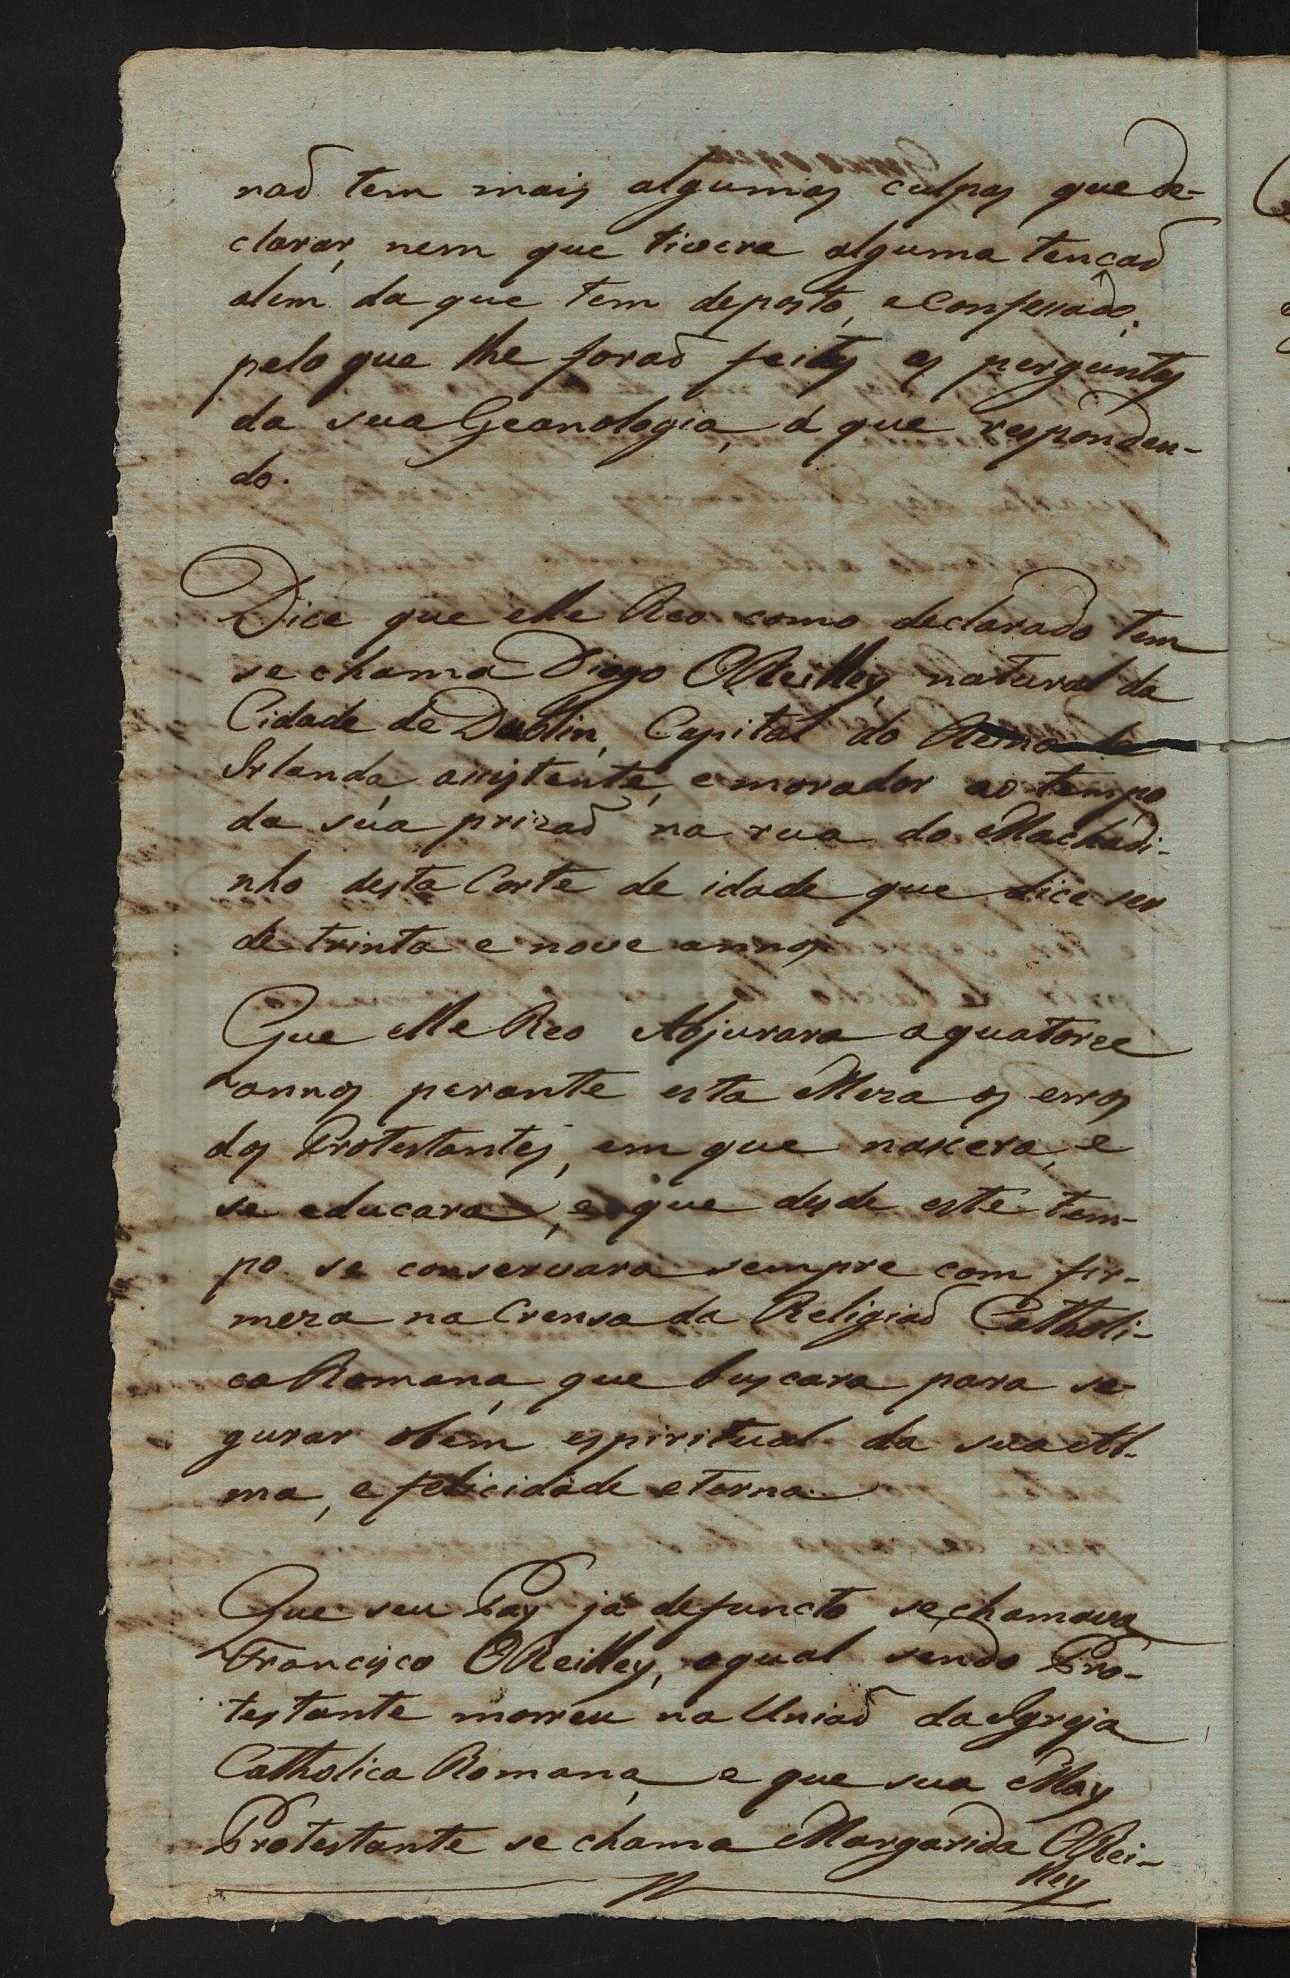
naõ tem mais algumas culpas que de
clarar, nem que tivera alguma tençaõ
alem da que tem deposto, e confessado;
pelo que lhe foraõ feitas as perguntas
da sua Geanologia, á que responden
do.
Dice que elle Reo como declarado tem
se chama Diogo OReilley, natural da
Cidade de Dublin, Capital do Reino de
Irlanda, assistente, e morador ao tempo
da sua prizaõ na rua do Machadi
nho desta Corte de idade que dice ser
de trinta e nove annos
Que elle Reo Abjurara a quatroze
annos perante esta Meza os erros
dos Protestantes, em que nascera, e
se educara, e que desde este tem
po se conservara sempre com fir
meza na crensa da Religiaõ Catholi
ca Romana, que buscara para se
gurar o bem espiritual da sua Al
ma, e felicidade eterna.
Que seu Pay já defuncto se chamava
Francisco OReilley, o qual sendo Pro
testante morreu na Uniaõ da Igreja
Catholica Romana, e que sua May
Protestante se chama Margarida ORei
lley
